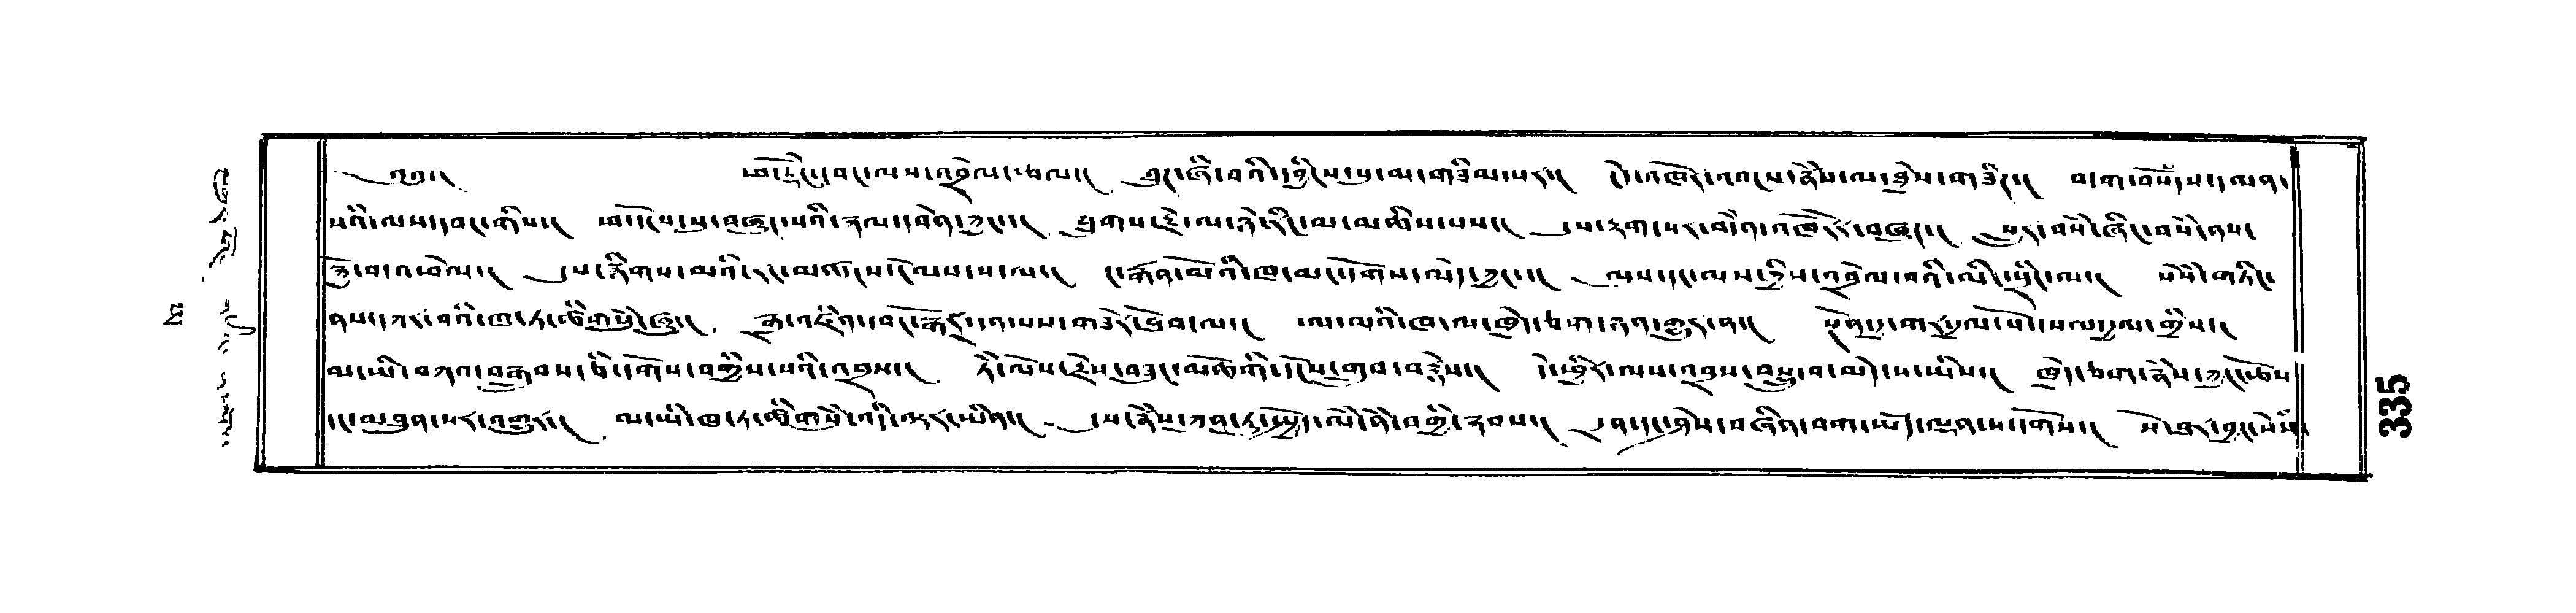ཕ་རྡོ་རྗེ་འཆང་དབང་ལས་འབྲེལ་རྩལ། །ཐུགས་ཞི་བའི་དབྱིངས་སུ་མ་གཟིམ་པར། །ངེད་འཁོར་འབངས་རྣམས་ལ་ཐུགས་རྗེས་གཟིགས། །བདག་བསོད་ནམས་དམན་
པའི་ལས་དབང་གིས། །ཕ་དངོས་སུ་བཞུགས་པའི་སྐལ་དབེན་ཀྱང་། །ཐུགས་རྗེ་ལ་ཉེ་རིང་མ་མཆིས་པས། །དུས་རྟག་པར་བདེ་ཆེན་འཁོར་ལོར་བཞུགས། །སླར་བསམ་ཞིང་བསམ་ནས་
སྐྱོ་བ་འཕེལ། །དུས་སྙིགས་མའི་རང་མཚང་ངོམས་པ་ལ། །ང་རྒན་མོའི་ཁ་མང་དགོས་མེད་ཀྱང་། །ལུས་དང་ལས་ཀྱིས་འབྲེལ་བའི་མིང་སྲིང་ལ། །སེམས་གཏིང་
ནས་དཀར་བའི་ཁ་ཏ་ཚིག་གསུམ་ཞུ། །སྒྲ་འཛིན་དབང་སྒོར་དྲན་པས་གཟེར་ཐོབ་ལ། །ཨ་མའི་ཁ་ལ་ཁྱེད་ཅག་ཉན་གྱུར་ན། །སྔོན་རྒྱ་གར་རྒྱལ་པོ་དཔལ་རྒྱལ་གྱིས། །
མ་ཡི་བཀའ་བསྒྲུབས་ཅི་བསྒཽས་བགྱིས་པའི་འབྲས། །ཏཻ་ལོས་རྗེས་བཟུང་མཆོག་གི་དངོས་གྲུབ་བརྙེས། །དེ་ཕྱིར་ལས་འབྲས་བསླུ་བ་མེད་པ་ཡིས། ཁྱེད་ཅག་རྣམས་ཀྱང་ཆོས་
དང་མཐུན་པར་འགྱུར། །མ་ཡི་ཁ་ཏ་ཚིག་གསུམ་འདི་ལྟར་ཡིན། །དུས་རྣམས་ཀུན་ཏུ་སྤྱོད་ལམ་ནམ་བགྱིས་སྐབས། །དྲན་དང་ཤེས་བཞིན་བག་ཡོད་ལྡན་པ་དགོས། །སོ་ཐར་བྱང་སེམས་